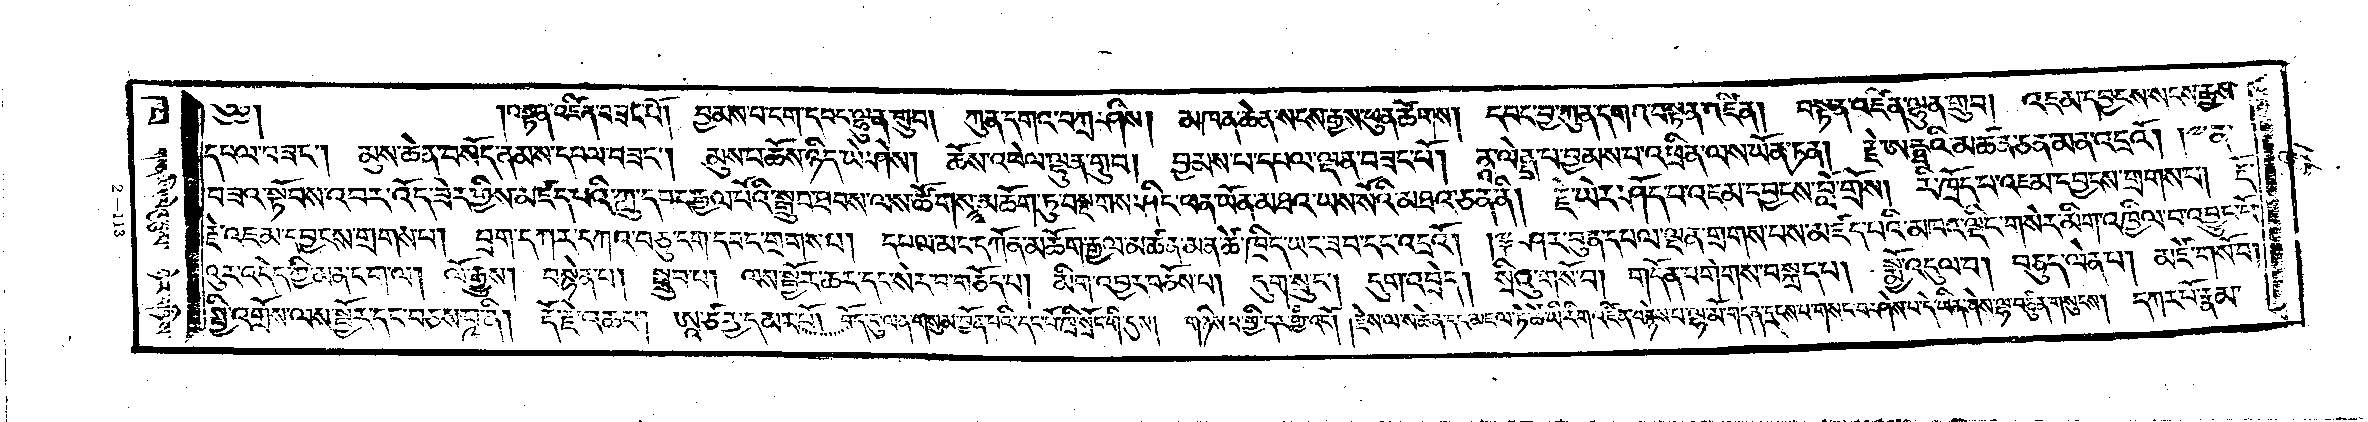༄༅། །བསྟན་འཛིན་བཟང་པོ། བྱམས་པ་ངག་དབང་ལྷུན་གྲུབ། ཀུན་དགའ་བཀྲ་ཤིས། མཁན་ཆེན་སངས་རྒྱས་ཕུན་ཚོགས། དབང་བྱ་ཀུན་དགའ་བསྟན་འཛིན། བསྟན་འཛིན་ལྷུན་གྲུབ། འཇམ་དབྱངས་སངས་རྒྱས་
དཔལ་བཟང་། མུས་ཆེན་བསོད་ནམས་དཔལ་བཟང་། མུས་པ་ཆོས་ཉིད་ཡེ་ཤེས། ཆོས་འཕེལ་ལྷུན་གྲུབ། བྱམས་པ་དཔལ་ལྡན་བཟང་པོ། ནཱ་ལེནྡྲ་པ་བྱམས་པ་འཕྲིན་ལས་ཡོན་ཏན། རྗེ་ཨརྠའི་མཚན་ཅན་མན་འདྲའོ། །༧ན་
བཟའ་སྟོབས་འབར་འོད་ཟེར་གྱིས་མཛད་པའི་ཀླུ་དབང་རྒྱལ་པོའི་སྒྲུབ་ཐབས་ལས་ཚོགས་མཆོག་ཏུ་བསྔགས་ཤིང་ཕན་ཡོན་མཐའ་ཡས་སོའི་མཐའ་ཅན་ནི། རྗེ་ཡེར་ཤོད་པ་འཇམ་དབྱངས་བློ་གྲོས། རི་ཁྲོད་པ་འཇམ་དབྱངས་གྲགས་པ། རྡོ་
རྗེ་འཇམ་དབྱངས་གྲགས་པ། བྲག་དཀར་དཀའ་བཅུ་དག་དབང་གྲགས་པ། དཔལ་མང་དཀོན་མཆོག་རྒྱལ་མཚན་མན་ཚེ་ཁྲིད་ཡང་ཟབ་དང་འདྲའོ། །༈ ཤར་ཕུན་དཔལ་ལྡན་གྲགས་པས་མཛད་པའི་མཁའ་ལྡིང་གསེར་མིག་འཁྱིལ་བ་འབྱུང་པོ་
འུར་འདེད་ཀྱི་མན་ངག་ལ། ལོ་རྒྱུས། བསྙེན་པ། སྒྲུབ་པ། ལས་སྦྱོར་ཆར་དང་སེར་བ་གཅོད་པ། མིག་འབྱར་བཅོས་པ། དུག་སྲུང་། དུག་འབྲེད། སྲིའུ་གསོ་བ། གདོན་བགེགས་བསྐྲད་པ། སྨྱོ་འདུལ་བ། བཅུད་ལེན་པ། མཛེ་གསོ་བ།
སྤྱི་འགྲོས་ལས་སྦྱོར་དང་བཅས་བ༩་ནི། རྡོ་རྗེ་འཆང་། ཨཱ་ཙརྱ་དམར་པོ། བོད་དུ་ལན་གསུམ་བྱོན་པའི་དང་པོ་ཁྲི་སྲོང་གི་དུས། གཉིས་པ་གྱི་དར་གྱི་འོང་། །རྗེས་ལ་ས་ཆེན་དང་མཇལ་ཏེ་ཚེ་ཡི་རིག་འཛིན་བརྙེས་པ་ལྷ་མོ་གདན་དྲངས་པ་གསང་བ་ཤེས་པ་དེ་ཡིན་ཞེས་ལྷ་བཙུན་གསུངས།  དཀར་པོ་རྣམ་